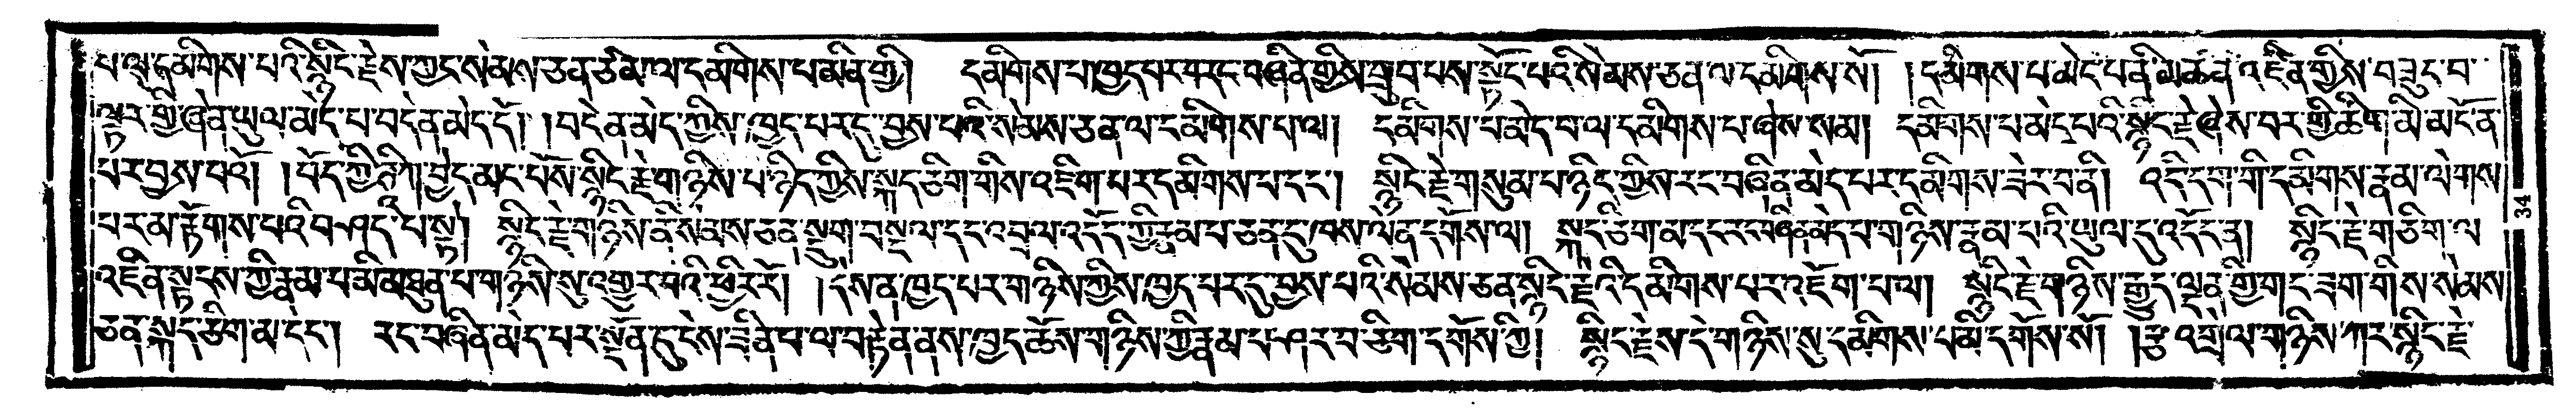པ་ལ་དམིགས་པའི་སྙིང་རྗེས་ཀྱང་སེམས་ཅན་ཙམ་ལ་དམིགས་པ་མིན་གྱི། དམིགས་པ་ཁྱད་པར་བ་རང་བཞིན་གྱིས་གྲུབ་པས་སྟོང་པའི་སེམས་ཅན་ལ་དམིགས་སོ། །དམིགས་པ་མེད་པ་ནི་མཚན་འཛིན་གྱིས་བཟུང་བ་
ལྟར་གྱི་ཞེན་ཡུལ་མེད་པ་བདེན་མེད་དོ། །བདེན་མེད་ཀྱིས་ཁྱད་པར་དུ་བྱས་པའི་སེམས་ཅན་ལ་དམིགས་པ་ལ། དམིགས་པ་མེད་པ་ལ་དམིགས་པ་ཞེས་སམ། དམིགས་པ་མེད་པའི་སྙིང་རྗེ་ཞེས་བར་གྱི་ཚིག་མི་མངོན་
པར་བྱས་པའོ། །བོད་ཀྱི་ཊཱིཀ་བྱེད་མང་པོས་སྙིང་རྗེ་གཉིས་པ་ཉིད་ཀྱིས་སྐད་ཅིག་གིས་འཇིག་པར་དམིགས་པ་དང་། སྙིང་རྗེ་གསུམ་པ་ཉིད་ཀྱིས་རང་བཞིན་མེད་པར་དམིགས་ཟེར་བ་ནི། འདི་དག་གི་དམིགས་རྣམ་ལེགས་
པར་མ་རྟོགས་པའི་བཤད་པ་སྟེ། སྙིང་རྗེ་གཉིས་ནི་སེམས་ཅན་སྡུག་བསྔལ་དང་འབྲལ་འདོད་ཀྱི་རྣམ་པ་ཅན་དུ་ཁས་ལེན་དགོས་ལ། སྐད་ཅིག་མ་དང་རང་བཞིན་མེད་པ་གཉིས་རྣམ་པའི་ཡུལ་དུ་འདོད་ན། སྙིང་རྗེ་གཅིག་ལ་
འཛིན་སྟངས་ཀྱི་རྣམ་པ་མི་མཐུན་པ་གཉིས་སུ་འགྱུར་བའི་ཕྱིར་རོ། །དེས་ན་ཁྱད་པར་གཉིས་ཀྱིས་ཁྱད་པར་དུ་བྱས་པའི་སེམས་ཅན་སྙིང་རྗེའི་དམིགས་པར་འཇོག་པ་ལ། སྙིང་རྗེ་གཉིས་རྒྱུད་ལྡན་གྱི་གང་ཟག་གིས་སེམས་
ཅན་སྐད་ཅིག་མ་དང་། རང་བཞིན་མེད་པར་སྔོན་དུ་ངེས་ཟིན་པ་ལ་བརྟེན་ནས་ཁྱད་ཆོས་གཉིས་ཀྱི་རྣམ་པ་ཤར་བ་ཅིག་དགོས་ཀྱི། སྙིང་རྗེས་དེ་གཉིས་སུ་དམིགས་པ་མི་དགོས་སོ། །རྩ་འགྲེལ་གཉིས་ཀར་སྙིང་རྗེ་